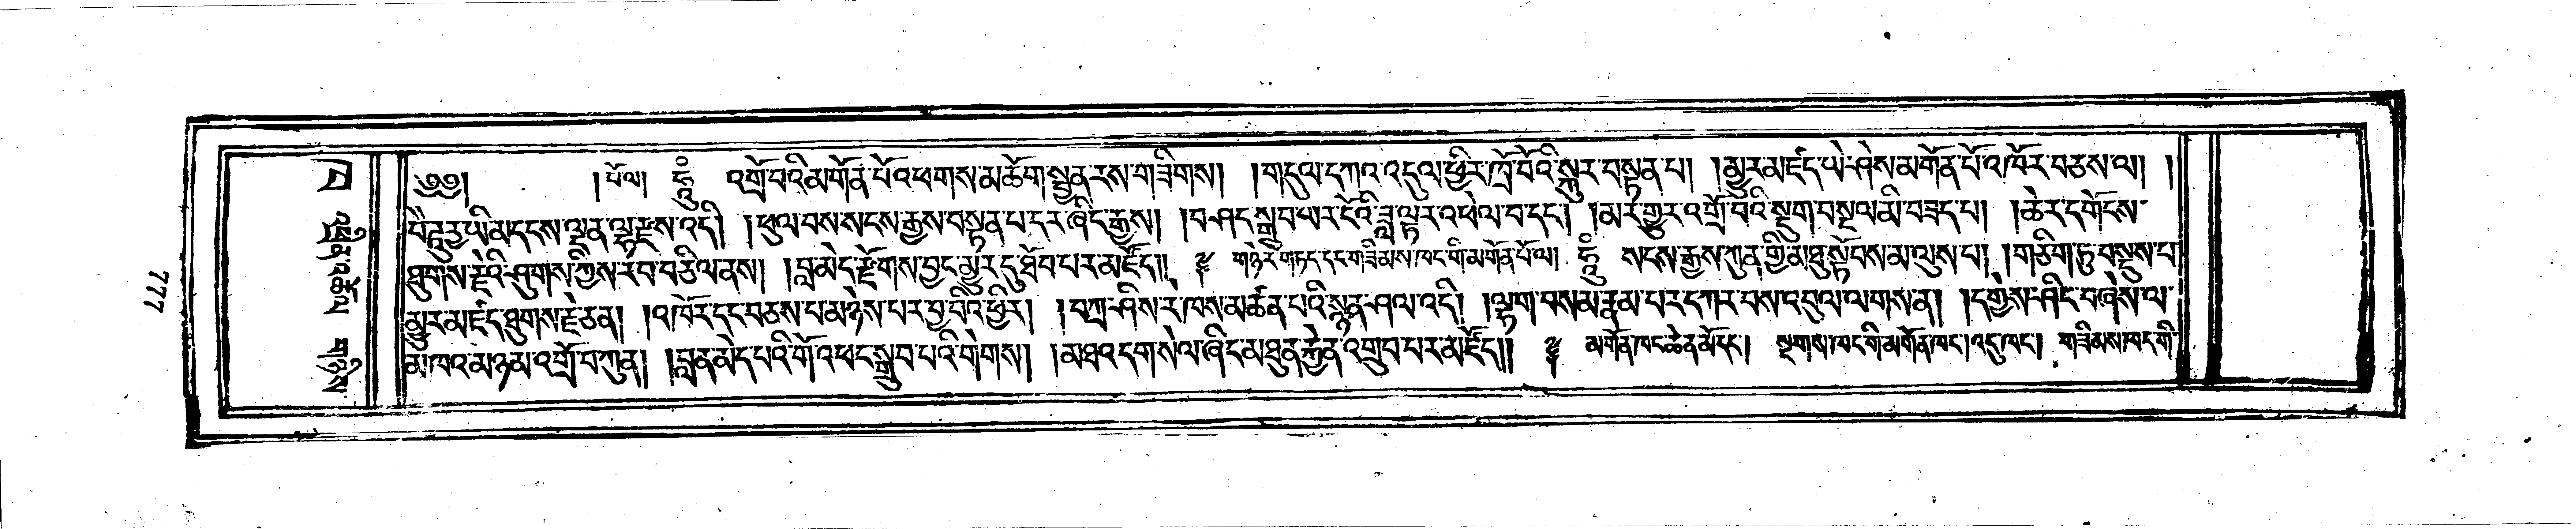༄༅། །པོ་ལ། ཧཱུཾ་འགྲོ་བའི་མགོན་པོ་འཕགས་མཆོག་སྦྱན་རས་གཟིགས། །གདུལ་དཀའ་འདུལ་ཕྱིར་ཁྲོ་བོའི་སྐུར་བསྟན་པ། །མྱུར་མཛད་ཡེ་ཤེས་མགོན་པོ་འཁོར་བཅས་ལ། །
བཻ་ཌཱུརྱ་ཡི་མདངས་ལྡན་ལྷ་རྫས་འདི། །ཕུལ་བས་སངས་རྒྱས་བསྟན་པ་དར་ཞིང་རྒྱས། །བཤད་སྒྲུབ་ཡར་ངོའི་ཟླ་ལྟར་འཕེལ་བ་དང་། །མར་གྱུར་འགྲོ་བའི་སྡུག་བསྔལ་མི་བཟད་པ། །ཆེར་དགོངས་
ཐུགས་རྗེའི་ཤུགས་ཀྱིས་རབ་བཅིལ་ནས། །བླ་མེད་རྫོགས་བྱང་མྱུར་དུ་ཐོབ་པར་མཛོད།། ༈ གཉེར་གཏད་དང་གཟིམས་ཁང་གི་མགོན་པོ་ལ། ཧཱུཾ་སངས་རྒྱས་ཀུན་གྱི་མཐུ་སྟོབས་མ་ལུས་པ། །གཅིག་ཏུ་བསྡུས་པ་
མྱུར་མཛད་ཐུགས་རྗེ་ཅན། །འཁོར་དང་བཅས་པ་མཉེས་པར་བྱ་བའི་ཕྱིར། །བཀྲ་ཤིས་རེ་ཁས་མཚན་པའི་སྙན་ཤལ་འདི། །ལྷག་བསམ་རྣམ་པར་དཀར་བས་འབུལ་ལགས་ན། །དགྱེས་ཤིང་བཞེས་ལ་
མཁའ་མཉམ་འགྲོ་བ་ཀུན། །བླ་ན་མེད་པའི་གོ་འཕང་སྒྲུབ་པའི་གེགས། །མཐའ་དག་སེལ་ཞིང་མཐུན་རྐྱེན་འགྲུབ་པར་མཛོད།། ༈ མགོན་ཁང་ཆེན་མོ་དང་། སྔགས་ཁང་གི་མགོན་ཁང་། འདུ་ཁང་། གཟིམས་ཁང་གི་